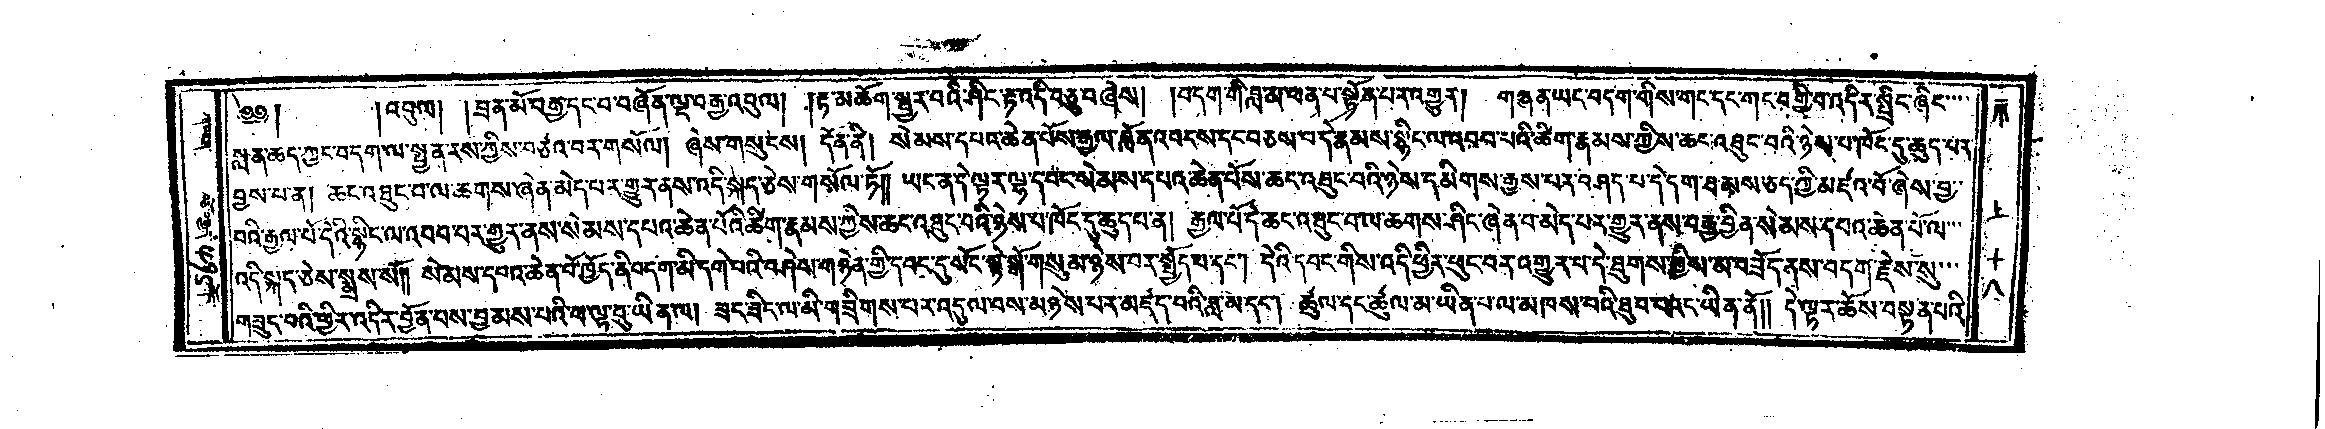༄༅། །འབུལ། །བྲན་མོ་བརྒྱ་དང་བ་བཞོན་ལྡ་བརྒྱ་འབུལ། །རྟ་མཆོག་སྦྱར་བའི་ཤིང་རྟ་འདི་བཅུ་བཞེས། །བདག་གི་བླ་མ་ཕན་པ་སྟོན་པར་འགྱུར། གཞན་ཡང་བདག་གིས་གང་དང་གང་བགྱི་བ་འདིར་སྤྲིང་ཞིང་
སླན་ཆད་ཀྱང་བདག་ལ་སྤྱན་རས་ཀྱིས་བཙའ་བར་གསོལ། ཞེས་གསུངས། དོན་ནི། སེམས་དཔའ་ཆེན་པོས་རྒྱལ་བློན་འབངས་དང་བཅས་པ་དེ་རྣམས་སྙིང་ལ་འབབ་པའི་ཚིག་རྣམས་ཀྱིས་ཆང་འཐུང་བའི་ཉེས་པ་ཁོང་དུ་ཆུད་པར་
བྱས་པ་ན། ཆང་འཐུང་བ་ལ་ཆགས་ཞེན་མེད་པར་གྱུར་ནས་འདི་སྐད་ཅེས་གསོལ་ཏོ།། ཡང་ན་དེ་ལྟར་ལྷ་དབང་སེམས་དཔའ་ཆེན་པོས་ཆང་འཐུང་བའི་ཉེས་དམིགས་རྒྱས་པར་བཤད་པ་དེ་དག་ཐམས་ཅད་ཀྱི་མཛའ་བོ་ཞེས་བྱ་
བའི་རྒྱལ་པོ་དེའི་སྙིང་ལ་འབབ་པར་གྱུར་ནས་སེམས་དཔའ་ཆེན་པོའི་ཚིག་རྣམས་ཀྱིས་ཆང་འཐུང་བའི་ཉེས་པ་ཁོང་དུ་ཆུད་པ་ན། རྒྱལ་པོ་དེ་ཆང་འཐུང་བ་ལ་ཆགས་ཤིང་ཞེན་པ་མེད་པར་གྱུར་ནས་བརྒྱ་བྱིན་སེམས་དཔའ་ཆེན་པོ་ལ་
འདི་སྐད་ཅེས་སྨྲས་སོ།། སེམས་དཔའ་ཆེན་པོ་ཁྱོད་ནི་བདག་མི་དགེ་པའི་བཤེས་གཉེན་གྱི་དབང་དུ་སོང་སྟེ་སྒོ་གསུམ་ཉེས་པར་སྤྱོད་པ་དང་། དེའི་དབང་གིས་འདི་ཕྱིར་ཕུང་བར་འགྱུར་པ་དེ་ཐུགས་ཀྱིས་མ་བཟོད་ནས་བདག་རྗེས་སུ་
གཟུང་བའི་ཕྱིར་འདིར་བྱོན་པས་བྱམས་པའི་ཕ་ལྟ་བུ་ཡིན་ལ། ཟང་ཟིང་ལ་མི་གཟིགས་པར་འདུལ་བས་མཉེས་པར་མཛད་པའི་བླ་མ་དང་། ཚུལ་དང་ཚུལ་མ་ཡིན་པ་ལ་མཁས་པའི་ཐུབ་པའང་ཡིན་ནོ།། དེ་ལྟར་ཆོས་བསྟན་པའི་